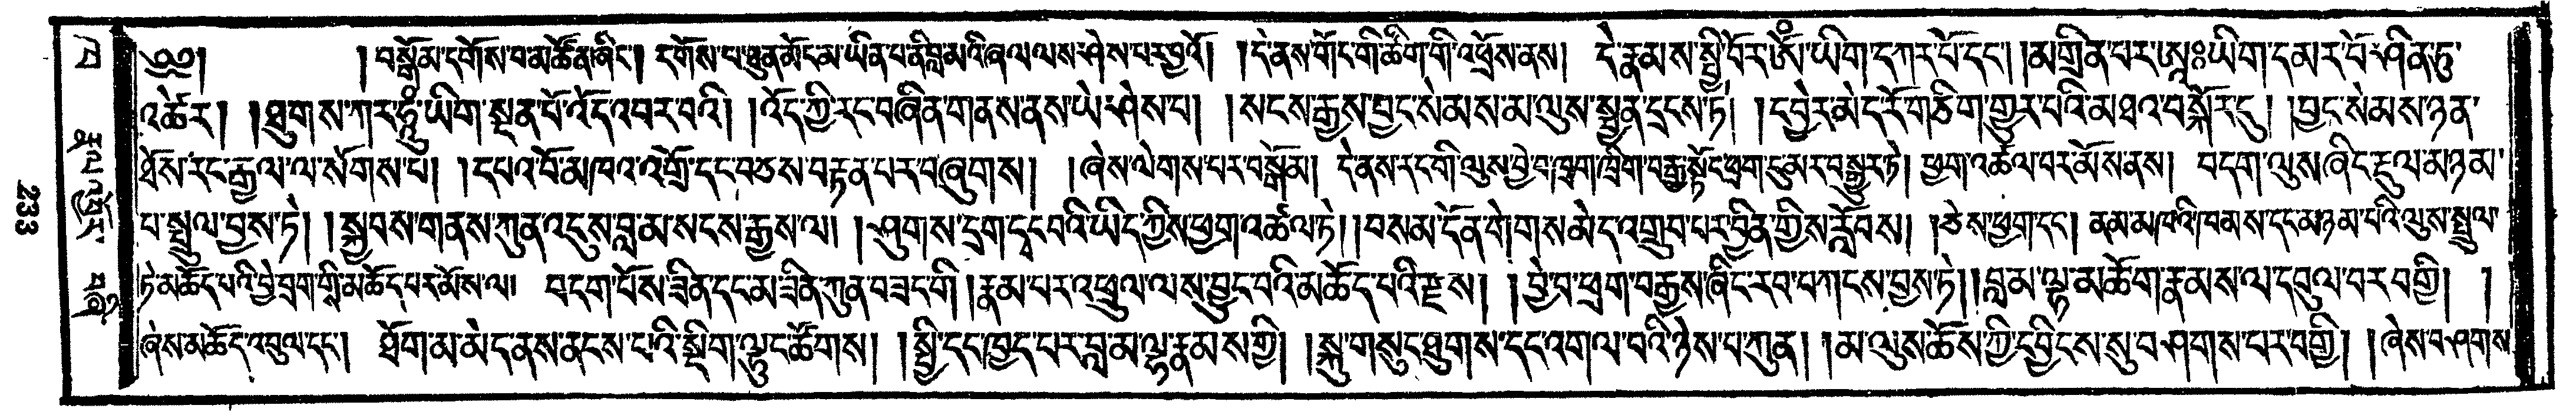༄༅། །བསྒོམ་དགོས་བ་མཚོན་ཞིང་། དགོས་པ་ཐུན་མོང་མ་ཡིན་པ་ནི་བླ་མའི་ཞལ་ལས་ཤེས་པར་བྱའོ། །དེ་ནས་གོང་གི་ཚིག་གི་འཕྲོས་ནས། དེ་རྣམས་སྦྱི་བོར་ཨོཾ་ཡིག་དཀར་པོ་དང་། །མགྲིན་པར་ཨཱཿ ཡིག་དམར་པོ་ཤིན་ཏུ་
འཚེར། །ཐུགས་ཀར་ཧཱུཾ་ཡིག་སྔན་པོ་འོད་འབར་བའི། །འོད་ཀྱི་རང་བཞིན་གནས་ནས་ཡེ་ཤེས་པ། །སངས་རྒྱས་བྱང་སེམས་མ་ལུས་སྦྱན་དྲངས་ཏེ། །དབྱེར་མེད་རོ་གཅིག་གྱུར་པའི་མཐའ་བསྐོར་དུ། །བྱང་སེམས་ཉན་
ཐོས་རང་རྒྱལ་ལ་སོགས་པ། །དཔའ་བོ་མཁའ་འགྲོ་དང་བཅས་བརྟན་པར་བཞུགས། །ཞེས་ལེགས་པར་བསྒོམ། དེ་ནས་རང་གི་ལུས་བྱེ་བ་ཁྲག་ཁྲིག་བརྒྱ་སྟོང་ཕྲག་དུ་མར་བསྒྱུར་ཏེ། ཕྱག་འཚལ་བར་མོས་ནས། བདག་ལུས་ཞིང་རྡུལ་མཉམ་
པ་སྤྲུལ་བྱས་ཏེ། །སྐྱབས་གནས་ཀུན་འདུས་བླ་མ་སངས་རྒྱས་ལ། །ཤུགས་དྲག་དྭང་བའི་ཡིད་ཀྱིས་ཕྱག་འཚལ་ཏེ། །བསམ་དོན་གེགས་མེད་འགྲུབ་པར་བྱིན་གྱིས་རློབས། །ཅེས་ཕྱག་དང་། ནམ་མཁའི་ཁམས་དང་མཉམ་པའི་ལུས་སྤྲུལ་
ཏེ་མཆོད་པའི་བྱེ་བྲག་གིས་མཆོད་པར་མོས་ལ། བདག་པོས་ཟིན་དང་མ་ཟིན་ཀུན་བཟང་གི །རྣམ་པར་འཕྲུལ་ལས་བྱུང་བའི་མཆོད་པའི་རྫས། །བྱེ་བ་ཕྲག་བརྒྱས་ཞིང་རབ་བཀངས་བྱས་ཏེ། །བླ་མ་ལྷ་མཆོག་རྣམས་ལ་དབུལ་བར་བགྱི། །
ཞེས་མཆོད་འབུལ་དང་། ཐོག་མ་མེད་ནས་ནངས་པའི་སྡིག་ལྟུང་ཚོགས། །སྤྱི་དང་ཁྱད་པར་བླ་མ་ལྷ་རྣམས་གྱི། །སྐུ་གསུང་ཐུགས་དང་འགལ་བའི་ཉེས་པ་ཀུན། །མ་ལུས་ཆོས་ཀྱི་དབྱིངས་སུ་བཤགས་པར་བགྱི། །ཞེས་བཤགས་